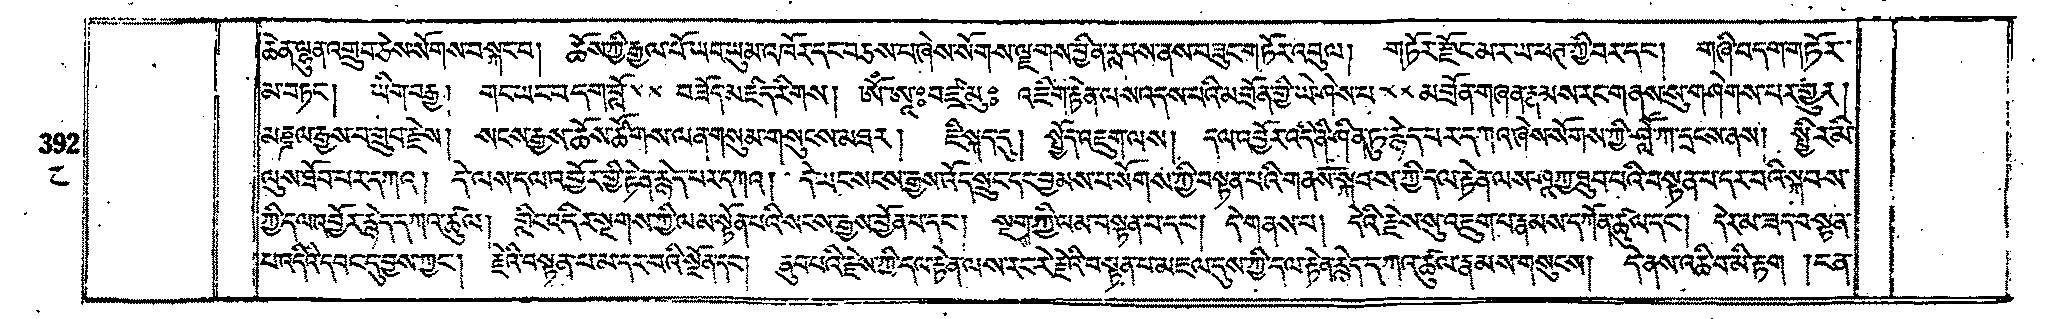ཆེན་ལྷུན་འགྲུབ་ཅེས་སོགས་བསྐང་བ། ཆོས་ཀྱི་རྒྱལ་པོ་ཡབ་ཡུམ་འཁོར་དང་བཅས་པ་ཞེས་སོགས་ལྗགས་བྱིན་རླབས་ནས་བཟུང་གཏོར་འབུལ། གཏོར་རྫོང་མ་ར་ཡ་ཕཊ་ཀྱི་བར་དང་། གཞི་བདག་གཏོར་་་
མ་བཏང་། ཡིག་བརྒྱ། གང་ཡང་བདག་བློ་྾་྾་྾་བཟོད་མཛད་རིགས། ཨོཾ་ཨཱཿབཛྲ་མུཿ འཇིག་རྟེན་ལས་འདས་པའི་མགྲོན་གྱི་ཡེ་ཤེས་པ་྾་྾་྾་མགྲོན་གཞན་རྣམས་རང་གནས་སུ་གཤེགས་པར་གྱུར།
མཎྜལ་རྒྱས་པ་གྲུབ་རྗེས། སངས་རྒྱས་ཆོས་ཚོགས་ལན་གསུམ་གསུངས་མཐར། ཇི་སྐད་དུ། སྤྱོད་འཇུག་ལས། དལ་འབྱོར་འདི་ནི་ཤིན་ཏུ་རྙེད་པར་དཀའ་ཞེས་སོགས་ཀྱི་ཤླཽ་ཀ་དྲངས་ནས། སྤྱིར་མི་
ལུས་ཐོབ་པར་དཀའ། དེ་ལས་དལ་འབྱོར་གྱི་རྟེན་རྙེད་པར་དཀའ། དེ་ཡང་སངས་རྒྱས་འོད་སྲུང་དང་བྱམས་པ་སོགས་ཀྱི་བསྟན་པའི་གནས་སྐབས་ཀྱི་དལ་རྟེན་ལས་ཤཱཀྱ་ཐུབ་པའི་བསྟན་པ་དར་བའི་སྐབས་
ཀྱི་དལ་འབྱོར་རྙེད་དཀའ་ཚུལ། གླིང་འདིར་སྔགས་ཀྱི་ལམ་སྟོན་པའི་སངས་རྒྱས་བྱོན་པ་དང་། སྔགས་ཀྱི་ལམ་བསྟན་པ་དང་། དེ་གནས་པ། དེའི་རྗེས་སུ་འཇུག་པ་རྣམས་དཀོན་ཚུལ་དང་། དེར་མ་ཟད་བསྟན་
པ་འདིའི་དབང་དུ་བྱས་ཀྱང་། རྗེའི་བསྟན་པ་མ་དར་བའི་སྔོན་དང་། ནུབ་པའི་རྗེས་ཀྱི་དལ་རྟེན་ལས་རང་རེ་རྗེའི་བསྟན་པ་མཇལ་དུས་ཀྱི་དལ་རྟེན་རྙེད་དཀའ་ཚུལ་རྣམས་གསུངས། དེ་ནས་འཆི་བ་མི་རྟག །ངན་